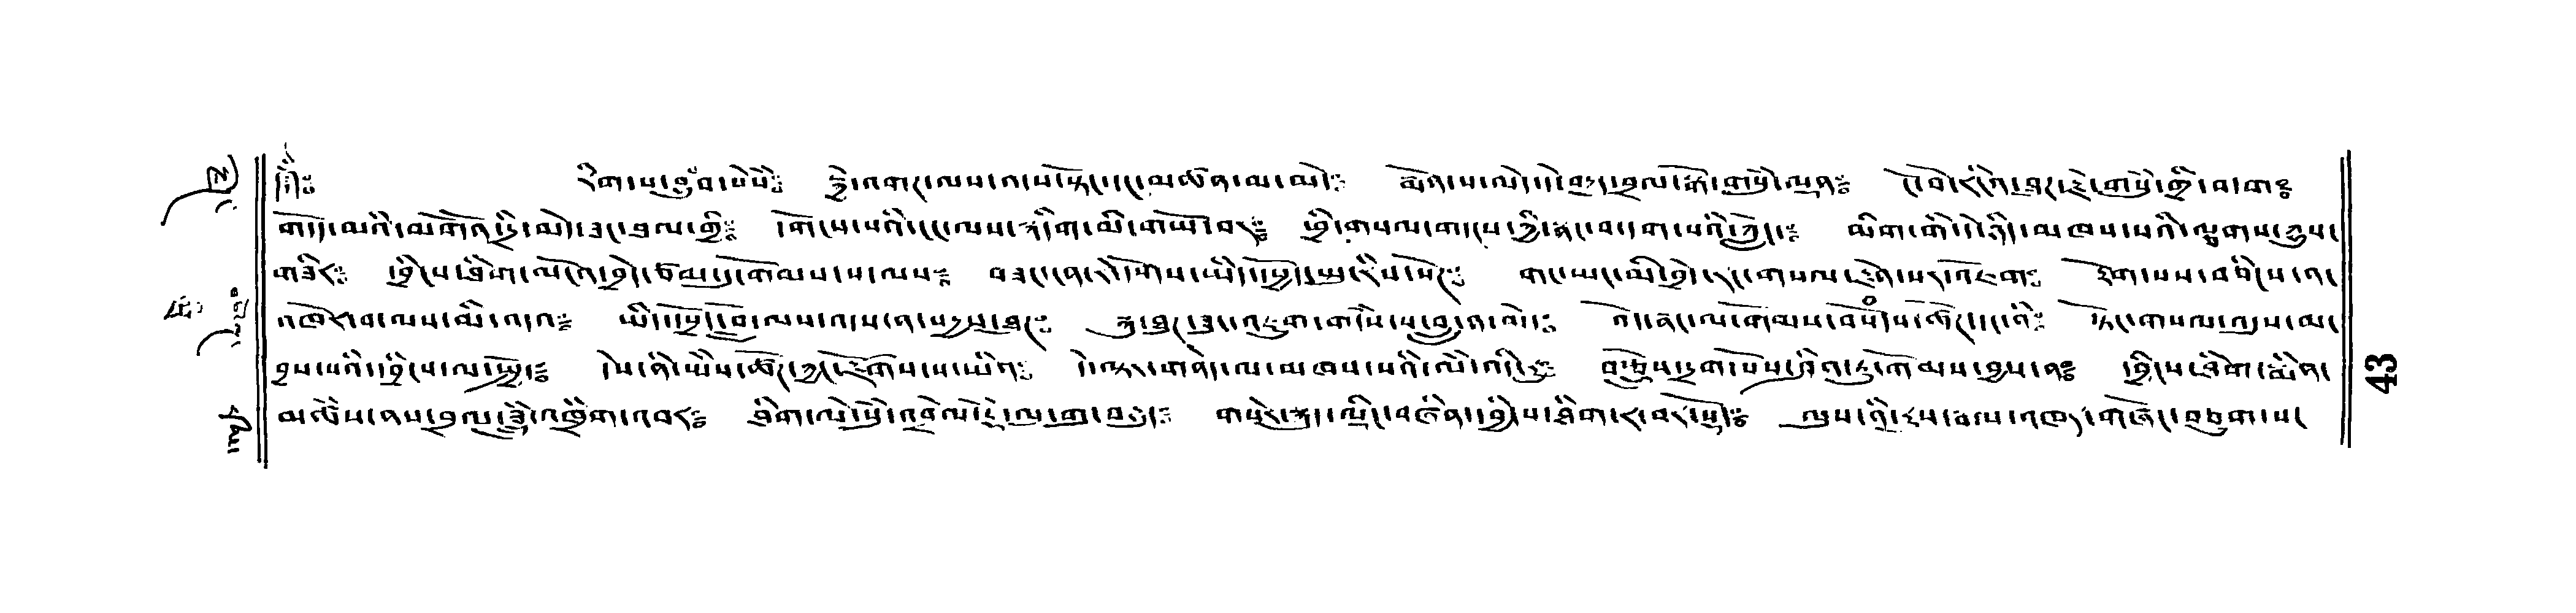རིག་པ་བྱང་ཆུབ་སེམས༔ སྐྱེ་འགག་ལས་འདས་སྟོང་དང་མཚན་མ་མེད༔ སྨོན་པ་མེད་དེ་བརྒྱད་བྲལ་སྒོ་གསུམ་ལྡན༔ ངོ་བོ་རང་བཞིན་ཐུགས་རྗེ་གསུམ་གྱི་བདག༔ 
གདོད་མའི་མགོན་པོ་དྲི་མེད་ཟང་ཐལ་གྱི༔ དགོངས་པའི་ངང་ལས་སྐད་ཅིག་མི་གཡོ་བར༔ ཕྱི་གསལ་གདངས་ཀྱི་སྣང་བ་དག་པའི་ཀློང༔ མིག་གི་དེ་ཉིད་མཁས་པའི་ལྕགས་ཀྱུས་
གཟིར༔ དབྱིངས་ཐིག་མངོན་བྱེད་ཙམ་དུ་གོམས་པ་ལས༔ བཟང་ངན་རེ་དོགས་ཡིད་དཔྱོད་སྤུ་རིས་སོགས༔ གང་ཡང་མི་བྱེད་རང་གསལ་རྗེན་པར་འཇོག༔ རྟོག་པས་བཅིངས་ན་
འཁོར་བ་ལས་མི་འདའ༔ ཡིད་དཔྱོད་བློ་ལས་འདས་ན་སངས་རྒྱས་ཐུགས༔ སྐུ་གཟུགས་ཟུང་འཇུག་གདམས་པ་བླ་ན་མེད༔ འོད་སྣང་ལ་གོམས་བསོད་ནམས་ཚོགས་དང་ནི༔ སྟོང་གསལ་འདུས་མ་
བྱས་པའི་དབྱིངས་ལ་སྤྱོད༔ དེས་ནི་ཡེ་ཤེས་ཚོགས་ཀྱང་རྫོགས་པ་ཡིན༔ དེ་ལྟར་གནད་ལ་མཁས་པའི་ལམ་འདི་རུ༔ བརྩོན་འགྲུས་དྲག་པོས་ཤིན་ཏུ་གོམས་བྱས་ན༔དབྱིངས་ཐིག་སྨིན་
མཚམས་ནས་བྲལ་ཟླུམ་འཁྲིག་འབར༔ ཐིག་ལེ་སུམ་འབྲེལ་རྡོ་རྗེ་ལུ་གུ་བརྒྱུད༔ གསེར་སྐུད་ལྡིང་བཞིན་དབྱིངས་ཐིག་ར་བར་སྡོད༔ ལུས་ནི་རུས་སྦལ་འཁར་གཞོང་བཅུག་པ་